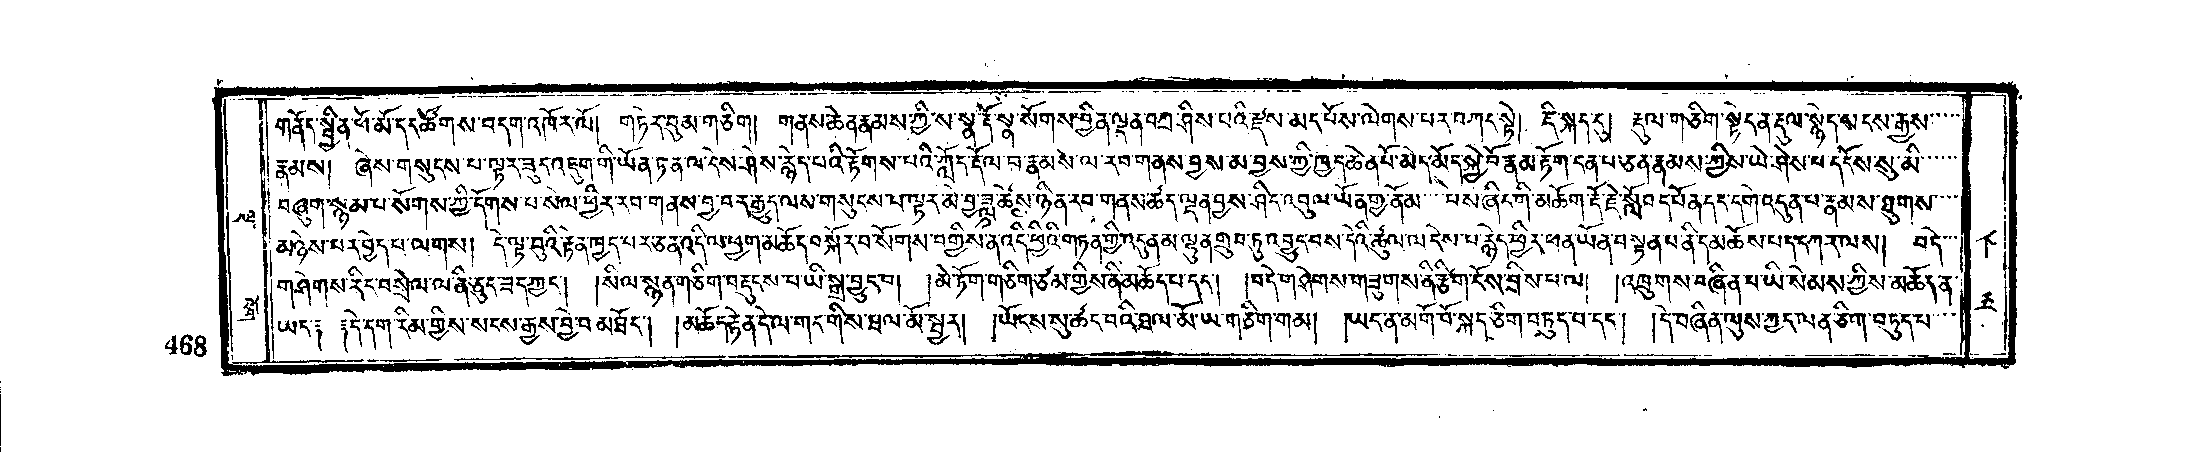གནོད་སྦྱིན་ཕོ་མོ་དང་ཚོགས་བདག་འཁོར་ལོ། གཏེར་བུམ་གཅིག། གནས་ཆེན་རྣམས་ཀྱི་ས་སྣ་རྡོ་སྣ་སོགས་བྱིན་ལྡན་བཀྲ་ཤིས་པའི་རྫས་མང་པོས་ལེགས་པར་བཀང་སྟེ། ཇི་སྐད་དུ། རྡུལ་གཅིག་སྟེང་ན་རྡུལ་སྙེད་སངས་རྒྱས་
རྣམས། ཞེས་གསུངས་པ་ལྟར་ཟུང་འཇུག་གི་ཡོན་ཏན་ལ་ངེས་ཤེས་རྙེད་པའི་རྟོགས་པའི་ཀློད?་རྡོལ་བ་རྣམས་ལ་རབ་གནས་བྱས་མ་བྱས་ཀྱི་ཁྱད་ཆེན་པོ་མེད་མོད་སྐྱེ་བོ་རྣམ་རྟོག་ངན་པ་ཅན་རྣམས་ཀྱིས་ཡེ་ཤེས་པ་དངོས་སུ་མི་
བཞུག་སྙམ་པ་སོགས་ཀྱི་དོགས་པ་སེལ་ཕྱིར་རབ་གནས་བྱ་བར་རྒྱུད་ལས་གསུངས་པ་ལྟར་མེ་བྱ་ཟླ༩་ཚེས༤་ཉིན་རབ་གནས་ཚད་ལྡན་བྱས་ཤིང་འབུལ་ཡོན་གྱ་ནོམ་པས་ཞིང་གི་མཆོག་རྡོ་རྗེ་སློབ་དཔོན་དང་དགེ་འདུན་པ་རྣམས་ཐུགས་
མཉེས་པར་བྱེད་པ་ལགས། དེ་ལྟ་བུའི་རྟེན་ཁྱད་པར་ཅན་འདི་ལ་ཕྱག་མཆོད་བསྐོར་བ་སོགས་བགྱིས་ན་འདི་ཕྱིའི་གཏན་གྱི་འདུན་མ་ལྷུན་གྲུབ་ཏུ་འབྱུང་བས་དེའི་ཚུལ་ལ་ངེས་པ་རྙེད་ཕྱིར་ཕན་ཡོན་བསྟན་པ་ནི་དམ་ཆོས་པད་དཀར་ལས། བདེ་
གཤེགས་རིང་བསྲེལ་ལ་ནི་ཅུང་ཟད་ཀྱང་། །སིལ་སྙན་གཅིག་བརྡུངས་པ་ཡི་སྒྲ་བྱུང་བ། །མེ་ཏོག་གཅིག་ཙམ་གྱིས་ནི་མཆོད་པ་དང་། །བདེ་གཤེགས་གཟུགས་ནི་རྩིག་ངོས་བྲིས་པ་ལ། །འཁྲུགས་བཞིན་པ་ཡི་སེམས་ཀྱིས་མཆོད་ན་
ཡང༑ ༑དེ་དག་རིམ་གྱིས་སངས་རྒྱས་བྱེ་བ་མཐོང་། །མཆོད་རྟེན་དེ་ལ་གང་གིས་ཐལ་མོ་སྦྱར། །ཡོངས་སུ་ཚང་བའི་ཐལ་མོ་ཡ་གཅིག་གམ། །ཡང་ན་མགོ་བོ་སྐད་ཅིག་བཏུད་པ་དང་། །དེ་བཞིན་ལུས་ཀྱང་ལན་ཅིག་བཏུད་པ་